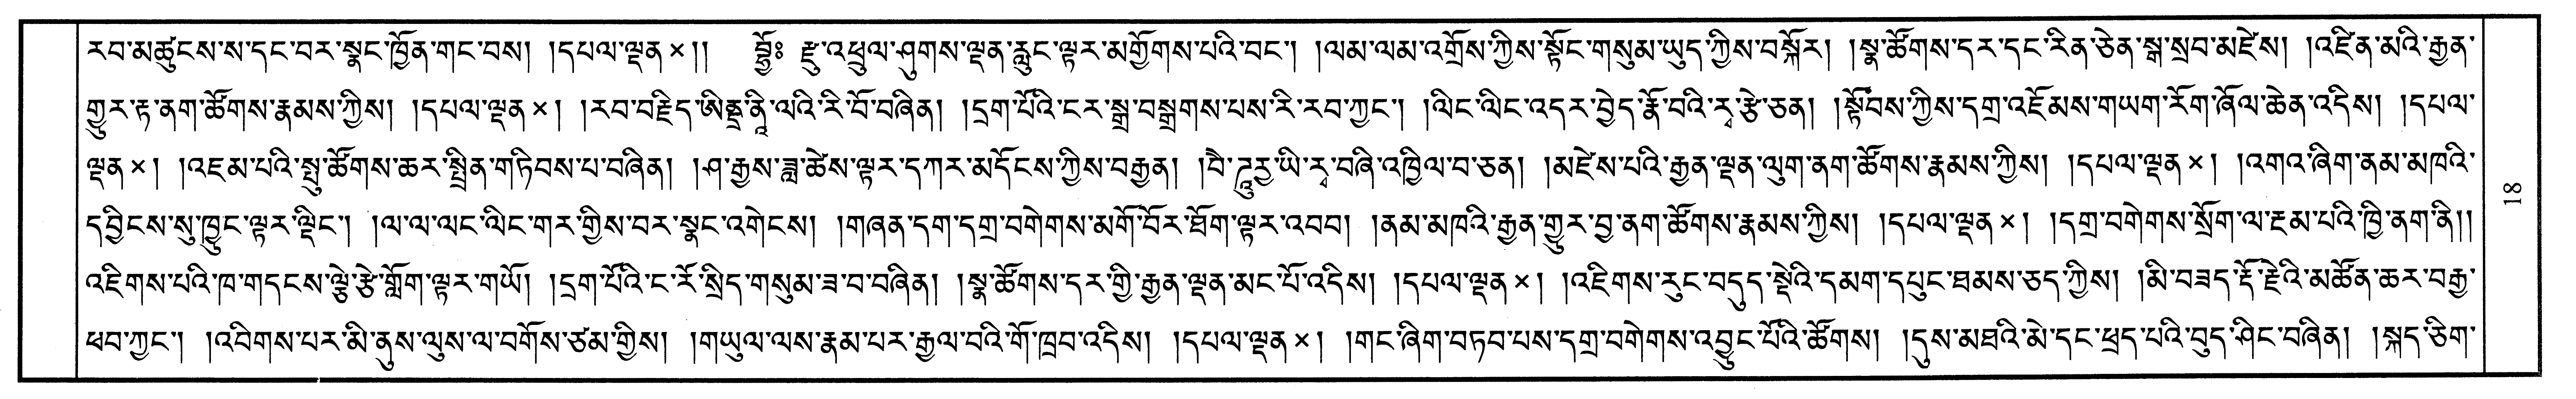རབ་མཚུངས་ས་དང་བར་སྣང་ཁྱོན་གང་བས། །དཔལ་ལྡན་྾།། བྷྱོཿ རྫུ་འཕྲུལ་ཤུགས་ལྡན་རླུང་ལྟར་མགྱོགས་པའི་བང་། །ལམ་ལམ་འགྲོས་ཀྱིས་སྟོང་གསུམ་ཡུད་ཀྱིས་བསྐོར། །སྣ་ཚོགས་དར་དང་རིན་ཅེན་སྒ་སྲབ་མཛེས། །འཛིན་མའི་རྒྱན་
གྱུར་རྟ་ནག་ཚོགས་རྣམས་ཀྱིས། །དཔལ་ལྡན་྾། །རབ་བརྗིད་ཨིནྡྲ་ནཱི་ལའི་རི་བོ་བཞིན། །དྲག་པོའི་ངར་སྒྲ་བསྒྲགས་པས་རི་རབ་ཀྱང་། །ལིང་ལིང་འདར་བྱེད་རྣོ་བའི་རྭ་རྩེ་ཅན། །སྟོབས་ཀྱིས་དགྲ་འཇོམས་གཡག་རོག་ཞོལ་ཆེན་འདིས། །དཔལ་
ལྡན་྾། །འཇམ་པའི་སྤུ་ཚོགས་ཆར་སྤྲིན་གཏིབས་པ་བཞིན། །ཤ་རྒྱས་ཟླ་ཚེས་ལྟར་དཀར་མདོངས་ཀྱིས་བརྒྱན། །བཻ་ཌཱུརྱ་ཡི་རྭ་བཞི་འཁྱིལ་བ་ཅན། །མཛེས་པའི་རྒྱན་ལྡན་ལུག་ནག་ཚོགས་རྣམས་ཀྱིས། །དཔལ་ལྡན་྾། །འགའ་ཞིག་ནམ་མཁའི་
དབྱིངས་སུ་ཁྱུང་ལྟར་ལྡིང་། །ལ་ལ་ལང་ལིང་གར་གྱིས་བར་སྣང་འགེངས། །གཞན་དག་དགྲ་བགེགས་མགོ་བོར་ཐོག་ལྟར་འབབ། །ནམ་མཁའི་རྒྱན་གྱུར་བྱ་ནག་ཚོགས་རྣམས་ཀྱིས། །དཔལ་ལྡན་྾། །དགྲ་བགེགས་སྲོག་ལ་རྔམ་པའི་ཁྱི་ནག་ནི།།
འཇིགས་པའི་ཁ་གདངས་ལྕེ་རྩེ་གློག་ལྟར་གཡོ། །དྲག་པོའི་ང་རོ་སྲིད་གསུམ་ཟ་བ་བཞིན། །སྣ་ཚོགས་དར་གྱི་རྒྱན་ལྡན་མང་པོ་འདིས། །དཔལ་ལྡན་྾། །འཇིགས་རུང་བདུད་སྡེའི་དམག་དཔུང་ཐམས་ཅད་ཀྱིས། །མི་བཟད་རྡོ་རྗེའི་མཚོན་ཆར་བརྒྱ་
ཕབ་ཀྱང་། །འབིགས་པར་མི་ནུས་ལུས་ལ་བགོས་ཙམ་གྱིས། །གཡུལ་ལས་རྣམ་པར་རྒྱལ་བའི་གོ་ཁྲབ་འདིས། །དཔལ་ལྡན་྾། །གང་ཞིག་བཏབ་པས་དགྲ་བགེགས་འབྱུང་པོའི་ཚོགས། །དུས་མཐའི་མེ་དང་ཕྲད་པའི་བུད་ཤིང་བཞིན། །སྐད་ཅིག་